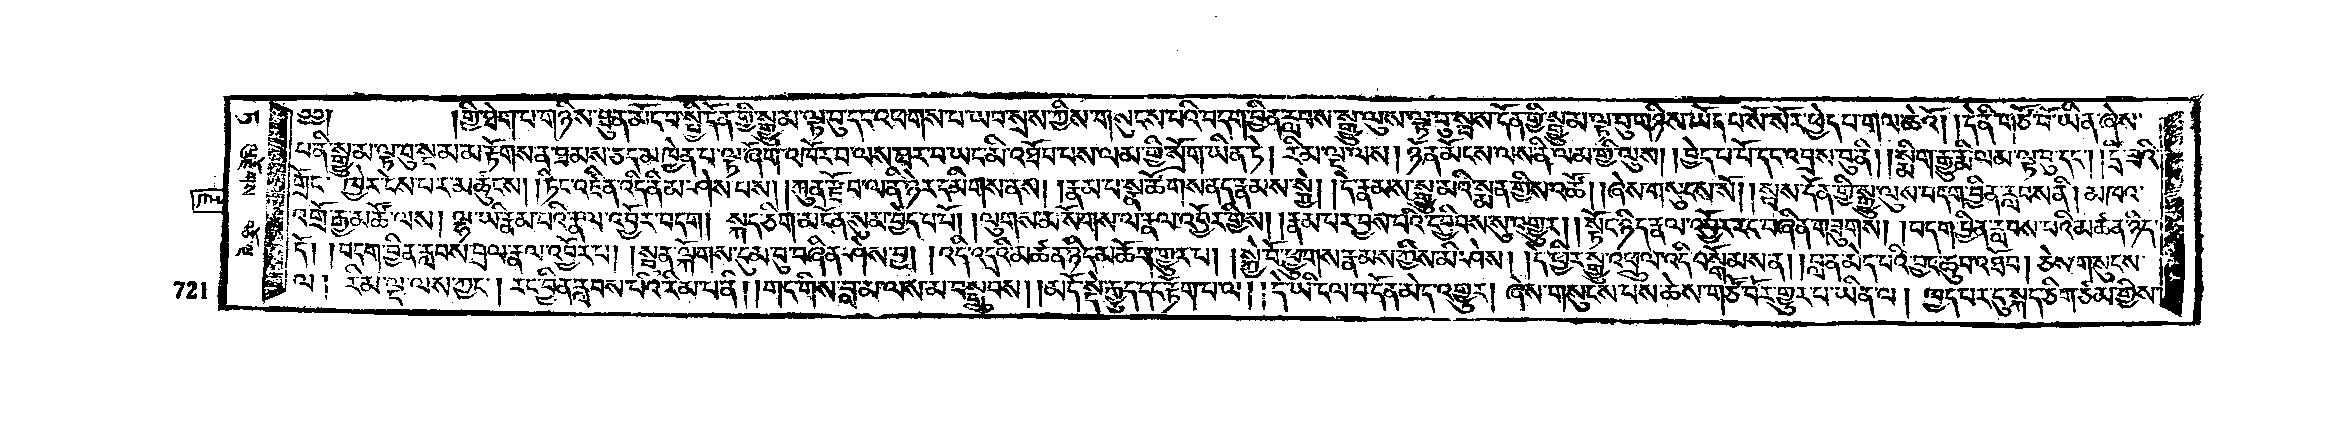༄༅། །གྱི་ཐེག་པ་གཉིས་ཐུན་མོང་བ་སྤྱི་དོན་གྱི་སྒྱུ་མ་ལྟ་བུ་དང་འཕགས་པ་ཡབ་སྲས་ཀྱིས་གསུགནས་པའི་བདག་བྱིན་རླབས་སྒྱུ་ལུས་ལྟ་བུ་སྦས་དོན་གྱི་སྒྱུ་མ་ལྟ་བུ་གཉིད་ཡོད་པ་སོ་སོར་ཕྱེད་པ་གལ་ཆེའོ། །དེ་ནི་གཙོ་བོ་ཡིན་ཞེས་
པ་ནི་སྒྱུ་མ་ལྟ་བུ་སྔ་མ་མ་རྟོགས་ན་ཐམས་ཅད་མཁྱེན་པ་ལྟ་ཞོག་འཁོར་བ་ལས་ཐར་པ་ཡང་མི་འཐོབ་པས་ལམ་གྱི་སྲོག་ཡིན་ཏེ། རིམ་ལྔ་ལས། ཉོན་མོངས་ལས་ནི་ལམ་གྱི་ལུས། །བྱེད་པ་པོ་དང་འབྲས་བུ་ནི། སྨིག་རྒྱུ་རྨི་ལམ་ལྟ་བུ་དང་། །དྲི་ཟའི་
གྲོང་ཁྱེར་ངེས་པར་མཚུངས། །ཏིང་འཛིན་འདི་ནི་མ་ཤེས་པས། །ཀུན་རྫོབ་ལ་ནི་ཉེར་དམིགས་ནས། །རྣམ་པ་སྣ་ཚོགས་ནད་རྣམས་སྐྱེ། །དེ་རྣམས་སྒྱུ་མའི་སྨན་གྱིས་འཚོ། །ཞེས་གསུངས་སོ། །སྦས་དོན་གྱི་སྒྱུ་ལུས་བདག་བྱིན་རླབས་ནི། མཁའ་
འགྲོ་རྒྱ་མཚོ་ལས། ལྷ་ཡི་རྣམ་པའི་རྣལ་འབྱོར་བདག། སྐད་ཅིག་མངོན་སུམ་བྱེད་པ་པོ། །ལུགས་མ་སོགས་ལ་རྣལ་འབྱོར་གྱིས། །རྣམ་པར་བྱས་པའི་དབྱིབས་སུ་འགྱུར། །སྟོང་ཉིད་རྣལ་འབྱོར་རང་བཞིན་གཟུགས། །བདག་བྱིན་རླབས་པའི་མཚན་ཉིད་
དོ། །བདག་བྱིན་རླབས་བྲལ་རྣལ་འབྱོར་པ། །སྦུན་ལྐོགས་དུམ་བུ་བཞིན་ཤེས་བྱ། །འདི་འདྲའི་མཚན་ཉིད་མཆོག་གྱུར་པ། །སྐྱེ་བོ་ཕྱུགས་རྣམས་ཀྱིས་མི་ཤེས། །དེ་ཕྱིར་སྒྱུ་འཕྲུལ་འདི་བསྒོམས་ན། །བླ་ན་མེད་པའི་བྱང་ཆུབ་འཐོབ། ཅེས་གསུངས་
ལ། རིམ་ལྔ་ལས་ཀྱང་། རང་བྱིན་རླབས་པའི་རིམ་པ་ནི། །གང་གིས་བླ་མ་ལས་མ་བསྒྲུབས། །མདོ་སྡེ་རྒྱུད་དང་རྟོག་པ་ལ། །དེ་ཡི་ངལ་བ་དོན་མེད་འགྱུར། ཞེས་གསུངས་པས་ཆེས་གཙོ་བོར་གྱུར་པ་ཡིན་ལ། ཁྱད་པར་དུ་སྐད་ཅིག་ཙམ་གྱིས་